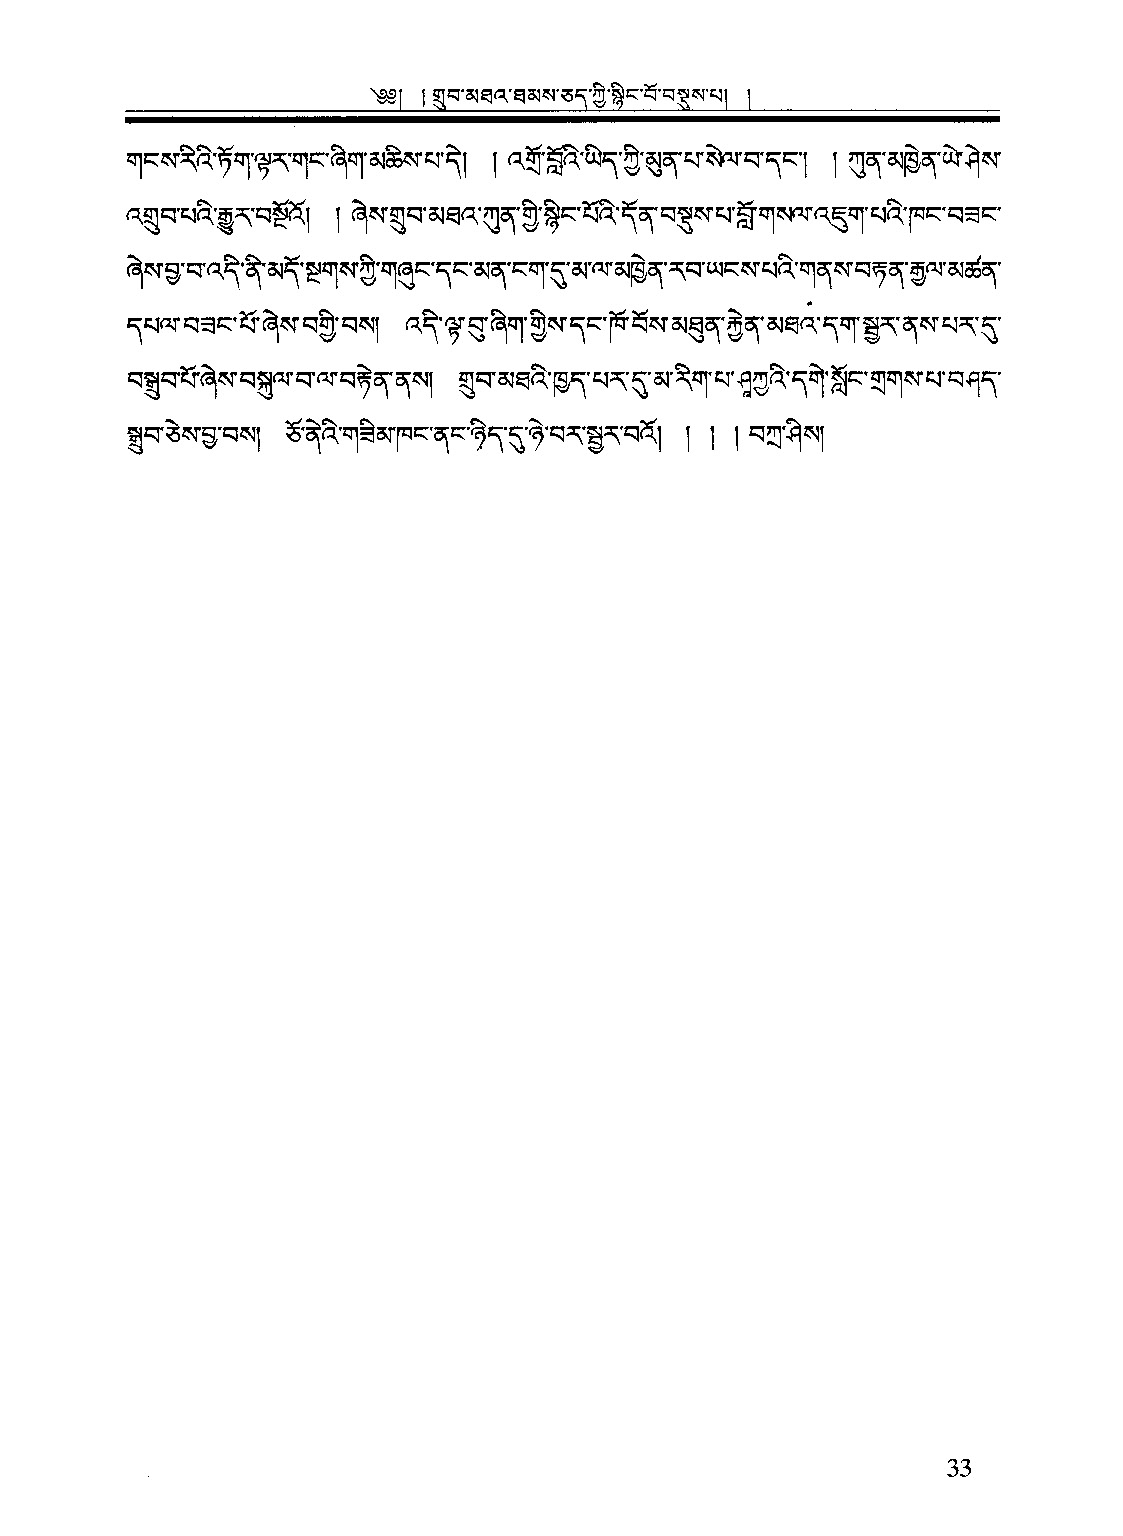གངས་རིའི་ཏོག་ལྟར་གང་ཞིག་མཆིས་པ་དེ། །འགྲོ་བློའི་ཡིད་ཀྱི་མུན་པ་སེལ་བ་དང་། །ཀུན་མཁྱེན་ཡེ་ཤེས་
འགྲུབ་པའི་རྒྱུར་བསྔོའོ། །ཞེས་གྲུབ་མཐའ་ཀུན་གྱི་སྙིང་པོའི་དོན་བསྡུས་པ་བློ་གསལ་འཇུག་པའི་ཁང་བཟང་
ཞེས་བྱ་བ་འདི་ནི་མདོ་སྔགས་ཀྱི་གཞུང་དང་མན་ངག་དུ་མ་ལ་མཁྱེན་རབ་ཡངས་པའི་གནས་བརྟན་རྒྱལ་མཚན་
དཔལ་བཟང་པོ་ཞེས་བགྱི་བས། འདི་ལྟ་བུ་ཞིག་གྱིས་དང་ཁོ་བོས་མཐུན་རྐྱེན་མཐའ་དག་སྦྱར་ནས་པར་དུ་
བསྒྲུབ་པོ་ཞེས་བསྐུལ་བ་ལ་བརྟེན་ནས། གྲུབ་མཐའི་ཁྱད་པར་དུ་མ་རིག་པ་ཤཱཀྱའི་དགེ་སློང་གྲགས་པ་བཤད་
སྒྲུབ་ཅེས་བྱ་བས། ཅོ་ནེའི་གཟིམ་ཁང་ནང་ཉིད་དུ་ཉེ་བར་སྦྱར་བའོ། ། ། །བཀྲ་ཤིས།